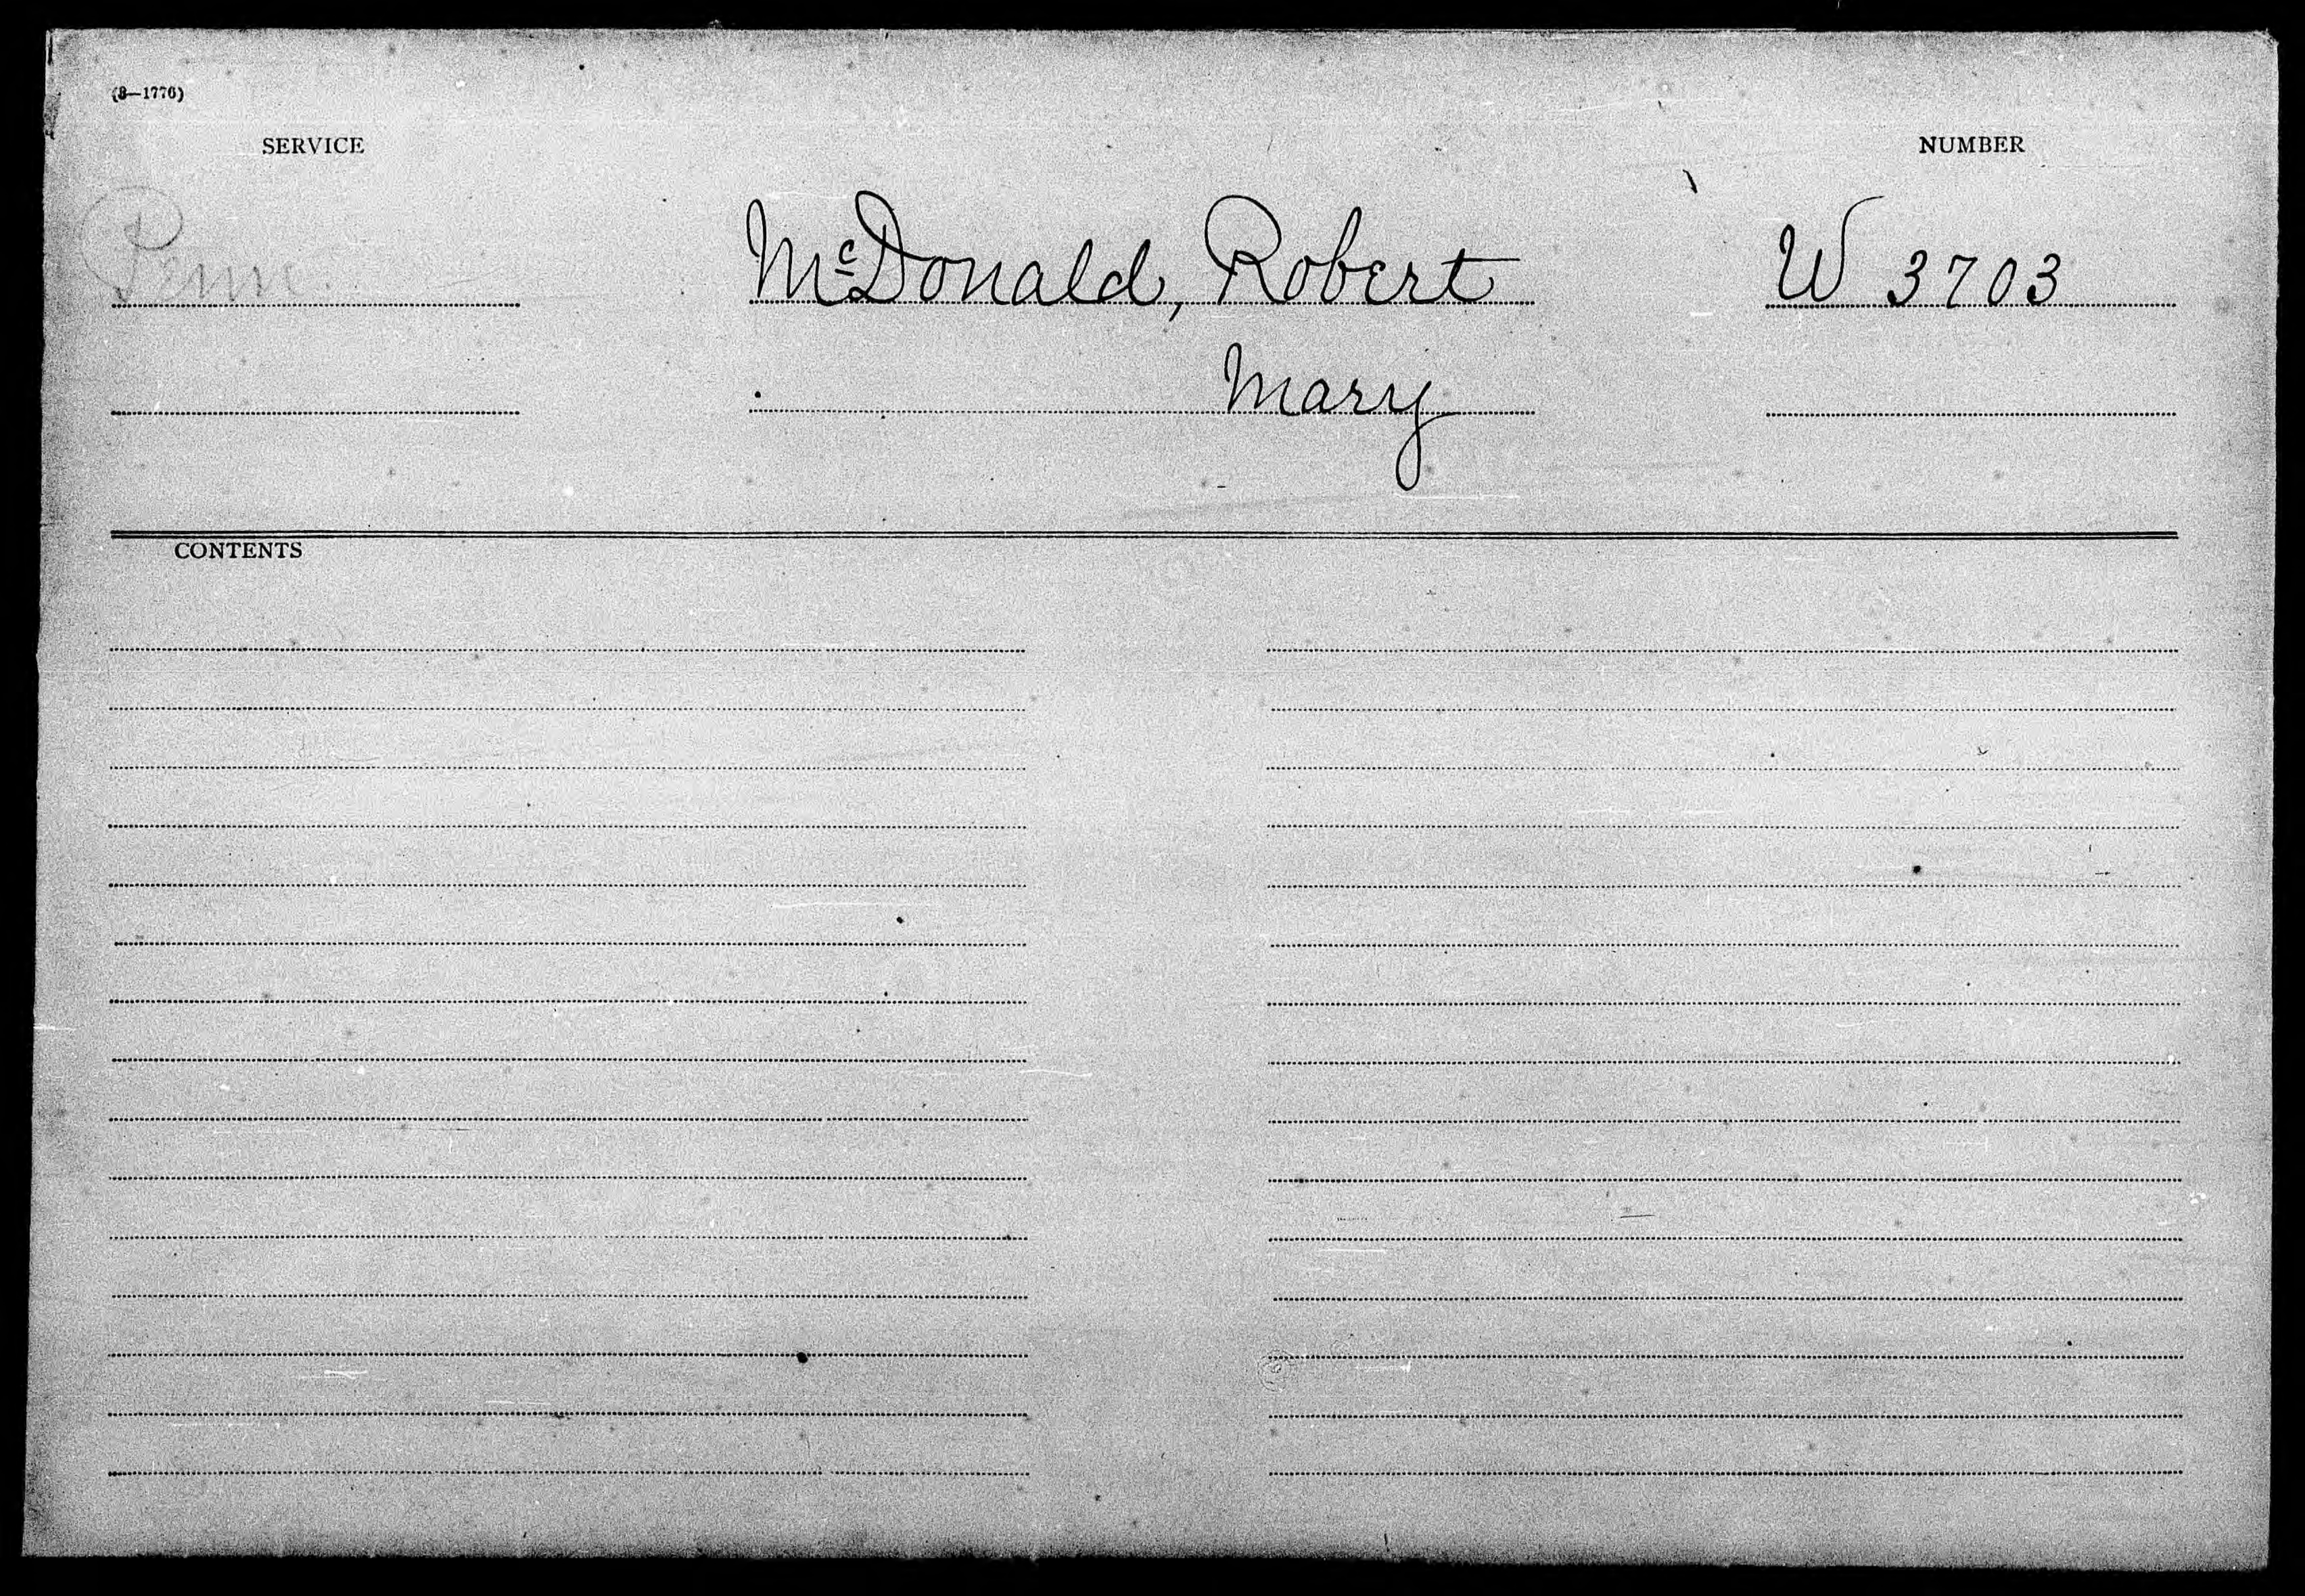(3─1776)

SERVICE
Penn.

McDonald, Robert 
Mary

NUMBER
W 3703

CONTENTS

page: 1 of 59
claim: widow's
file: W 3703, for Robert Mc Donald, Pennsylvania